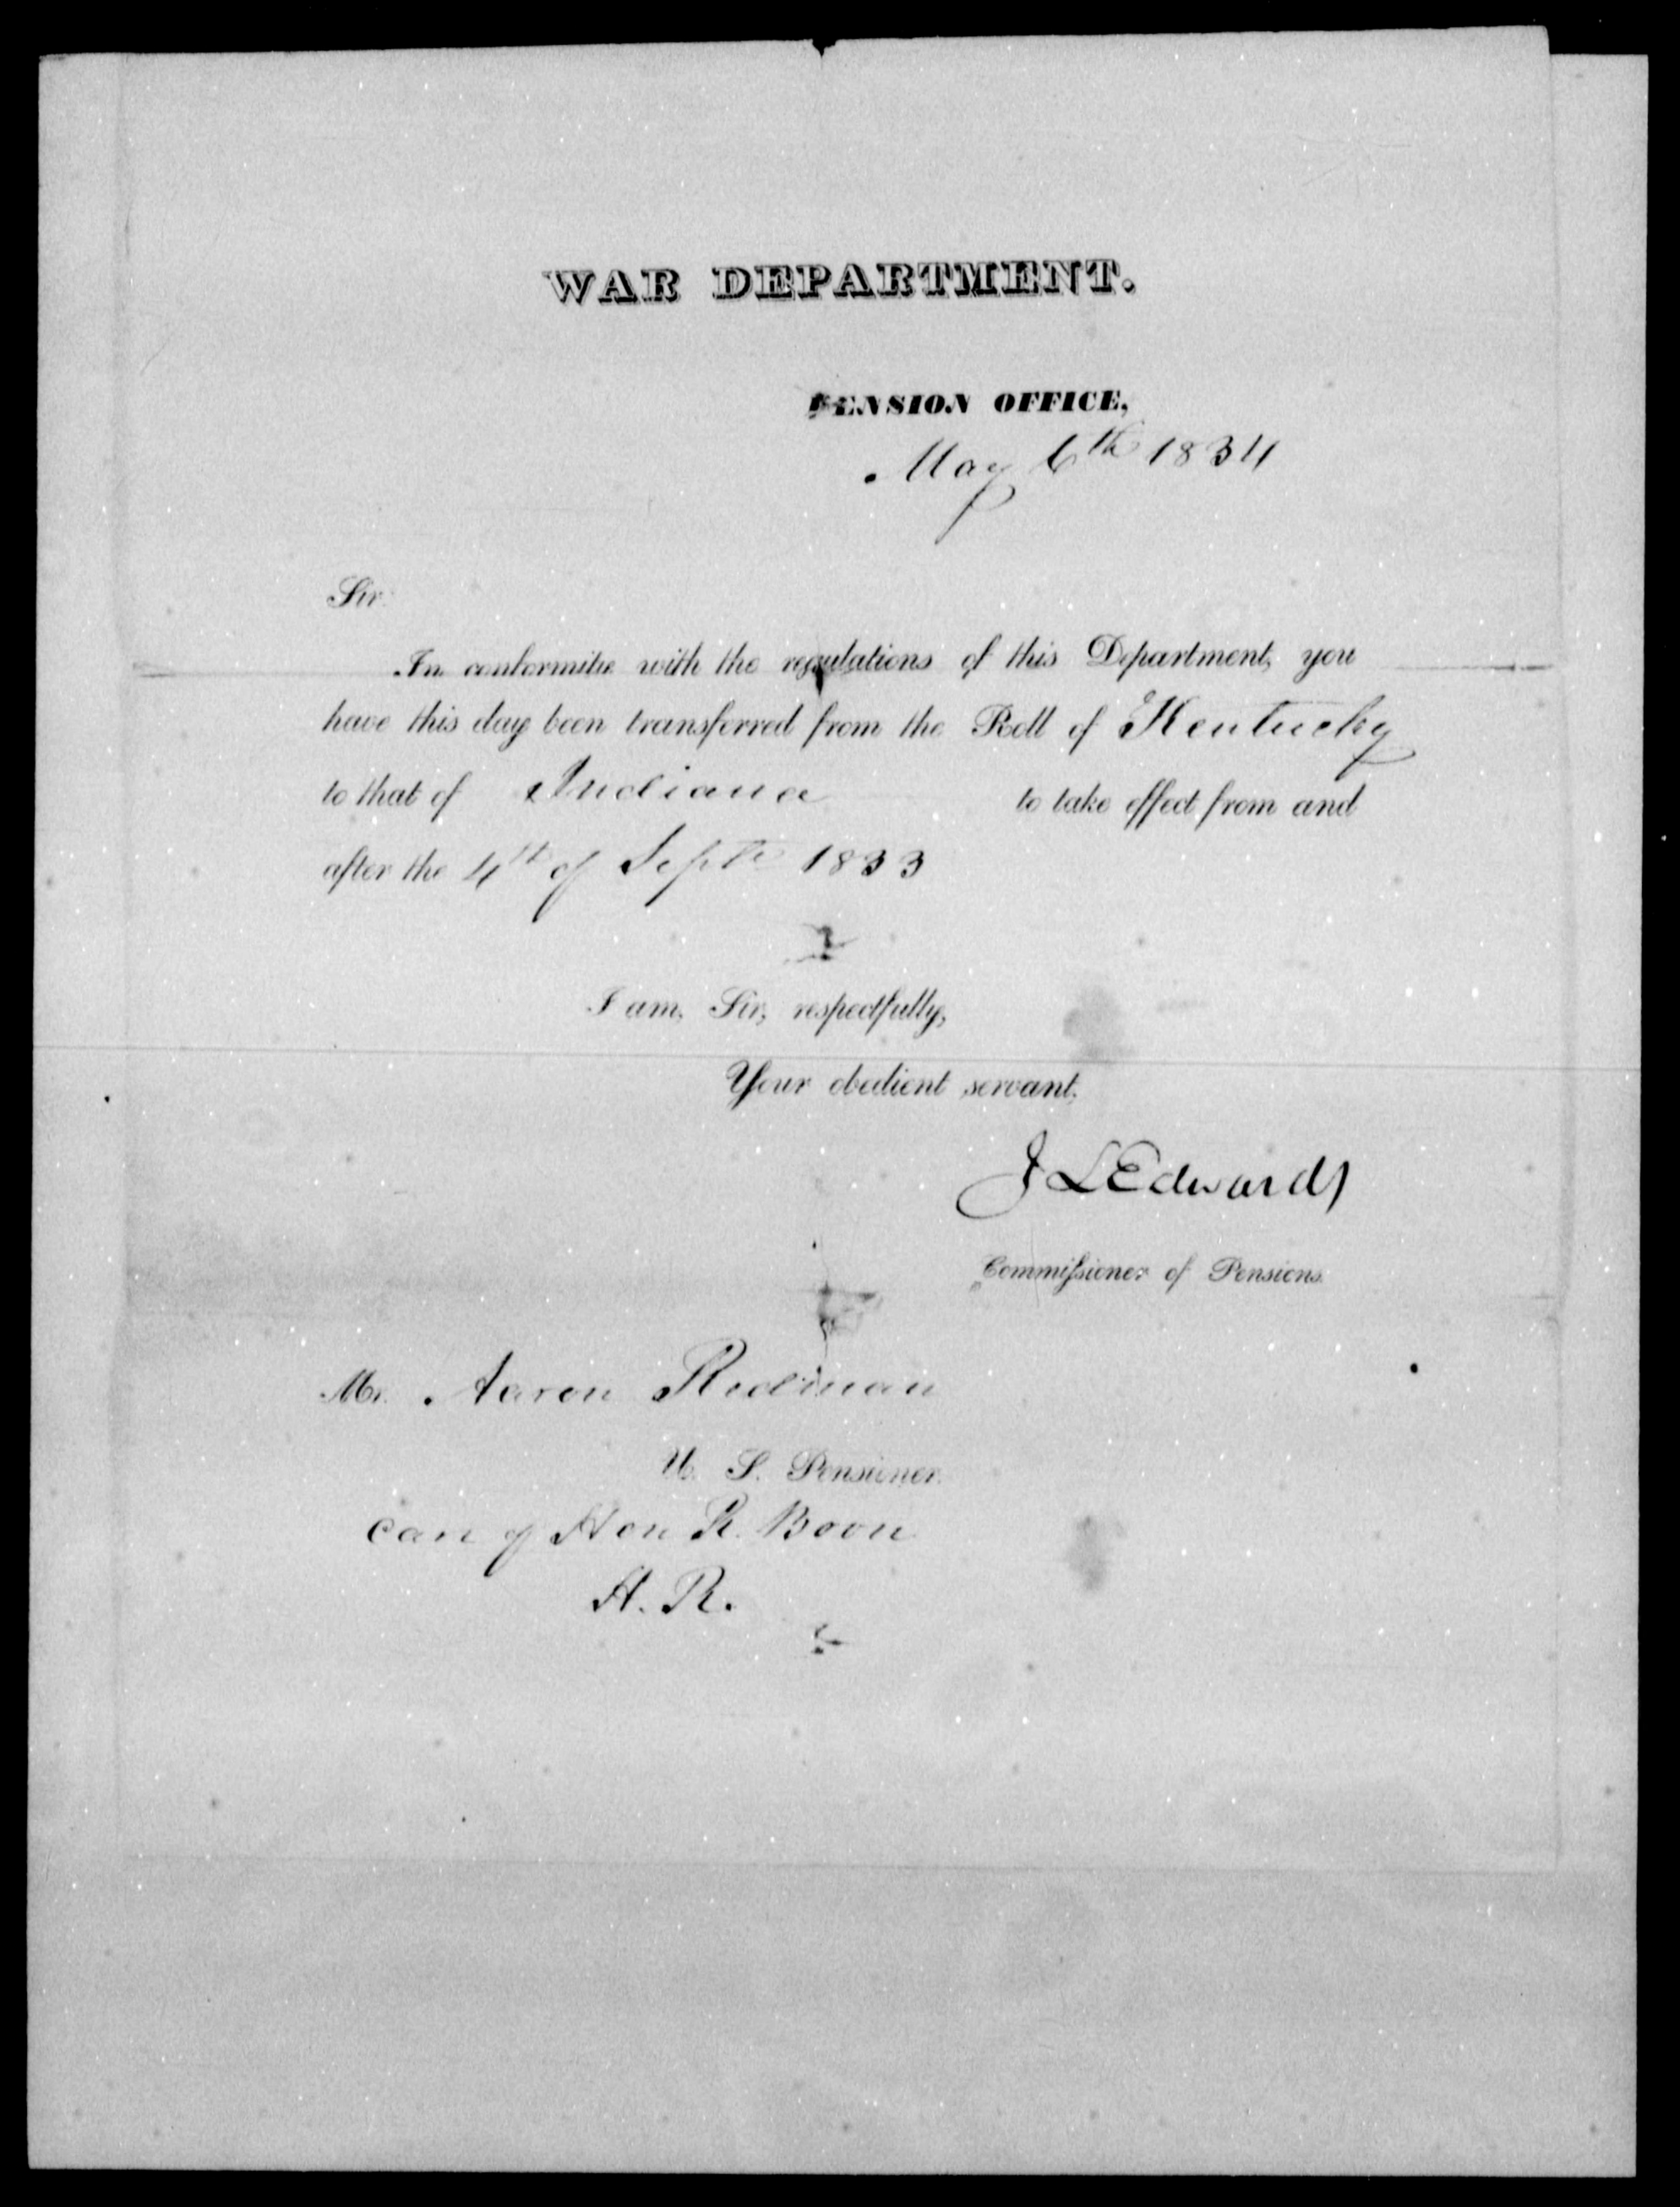War Department.
Pension Office,
May 6th 1834

Sir:
In conformity with the regulations of this Department, you have this day been transferred from the Roll of Kentucky to that of Indiana to take effect from and after the 4th of Septr 1833
I am, Sir, respectfully,
Your obedient servant,
JL Edwards
Commissioner of Pensions

Mr. Aaron Redman
U.S. Pensioner
care of Hon R. Boone
H.R.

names: Aaron Redman; R Boon; J L Edwards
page: 29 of 57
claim: widow's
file: W. 9,622, for Aaron Redman, Virginia